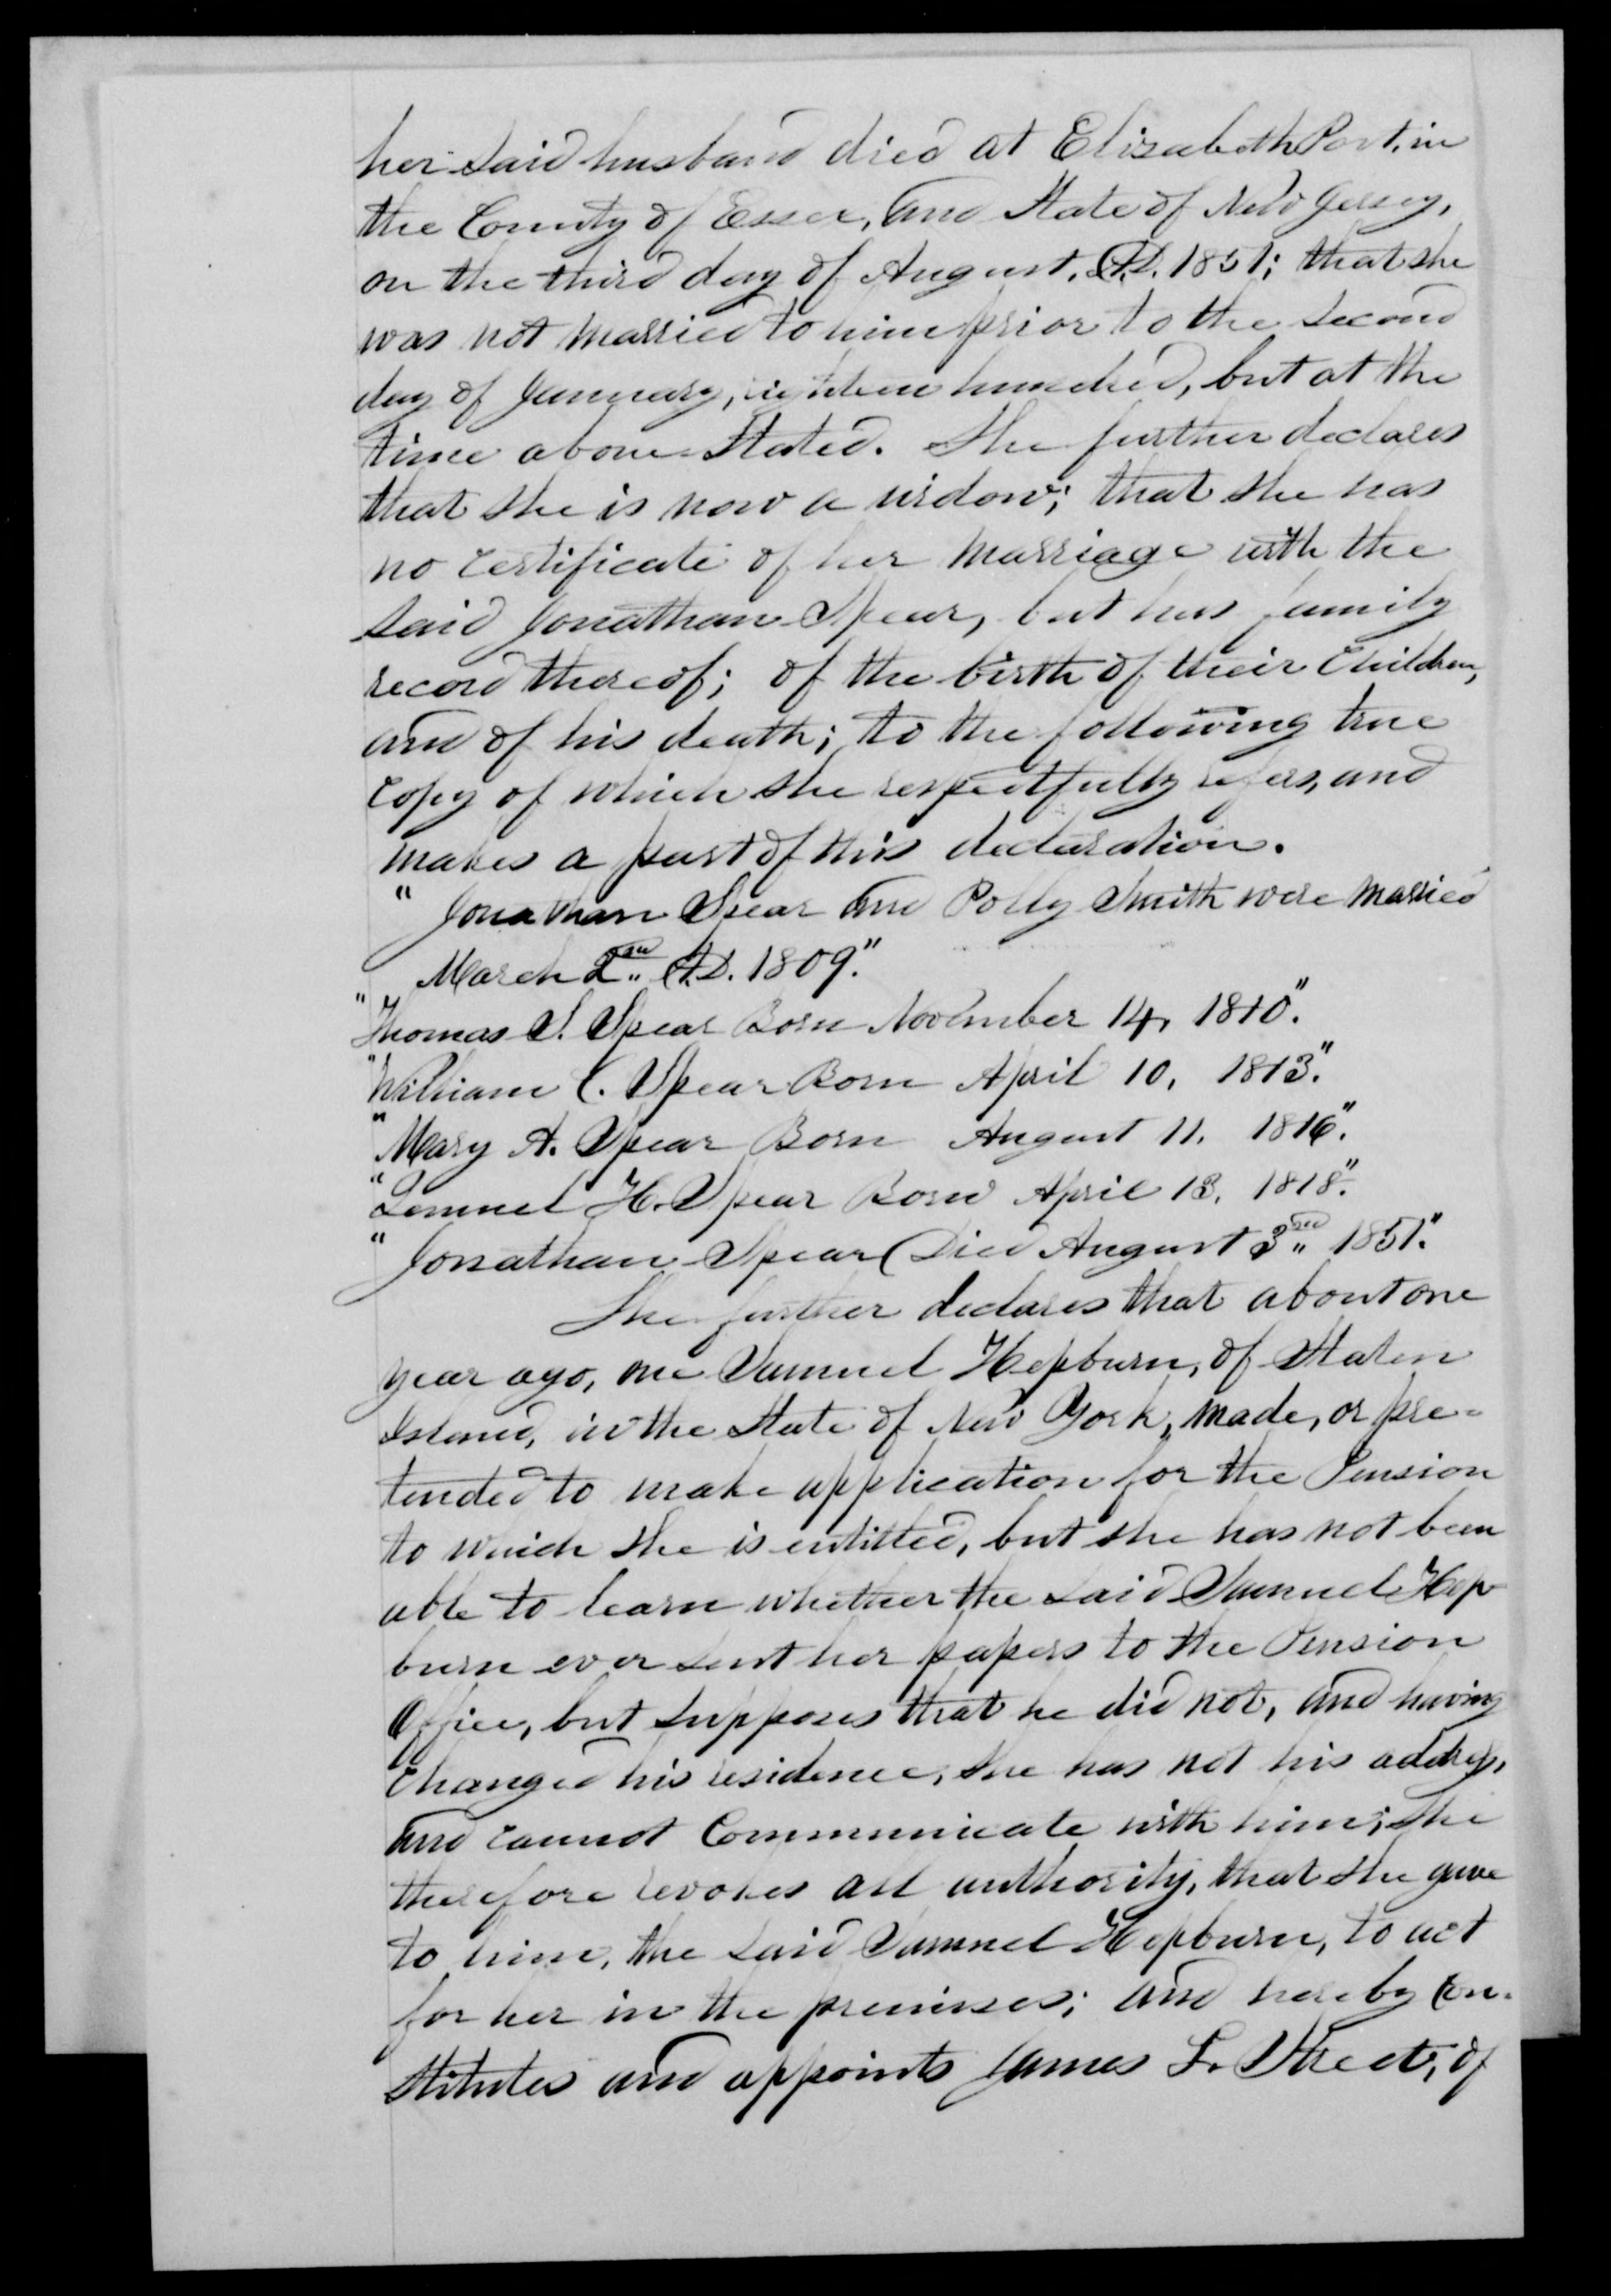her said husband died at ElizabethPort, in the County of Essex, and State of New Jersey, on the third day of August, A.D. 1851; that she was not married to him prior to the Second day of January, Eighteen hundred, but at the time above stated. She further declares that she now a widow; that she has no certificate of her marriage with the said Jonathan Spear, but has family record thereof; of the birth of their children, and of his death; of the birth of their children, and of his death; to the following true copy of which she respectfully refers, and makes a part of this declaration.
"Jonathan Spear and Polly Smith were married March 2nd A.D. 1809."
"Thomas S. Spear Born November 14, 1810."
"William C. Spear Born April 10, 1813."
"Mary A. Spear Born August 11, 1816."
"Lemuel H. Spear Born April 13, 1818."
"Jonathan Spear Died August 3rd  1851."
She further declares that about one year ago, one Samuel Hepburn, of Staten Island, in the State of New York, made, or pretended to make application for the Pension to which she is entitled, but she has not been able to learn whatever the said Samuel Hepburn ever sent her papers to the Pension Office, but supposes that he did not, and having changed his residence, she has not his address, and cannot communicate with him; she therefore revokes all authority, that she gave to him, the said Samuel Hepburn, to wit for her in the premises; and hereby constitutes and appoints James L. Street, of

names: Lemuel H Spear; Thomas S Spear; Mary A Spear; Jonathan Spear; Polly Smith; Samuel Hepburn; Samuel Hopburn; James L Street; William C Spear; Samuel Hepburn; Jonathan Spear; Jonathan Spear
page: 18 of 65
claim: widow's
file: W. 7197, for Jonathan Spear, Vermont